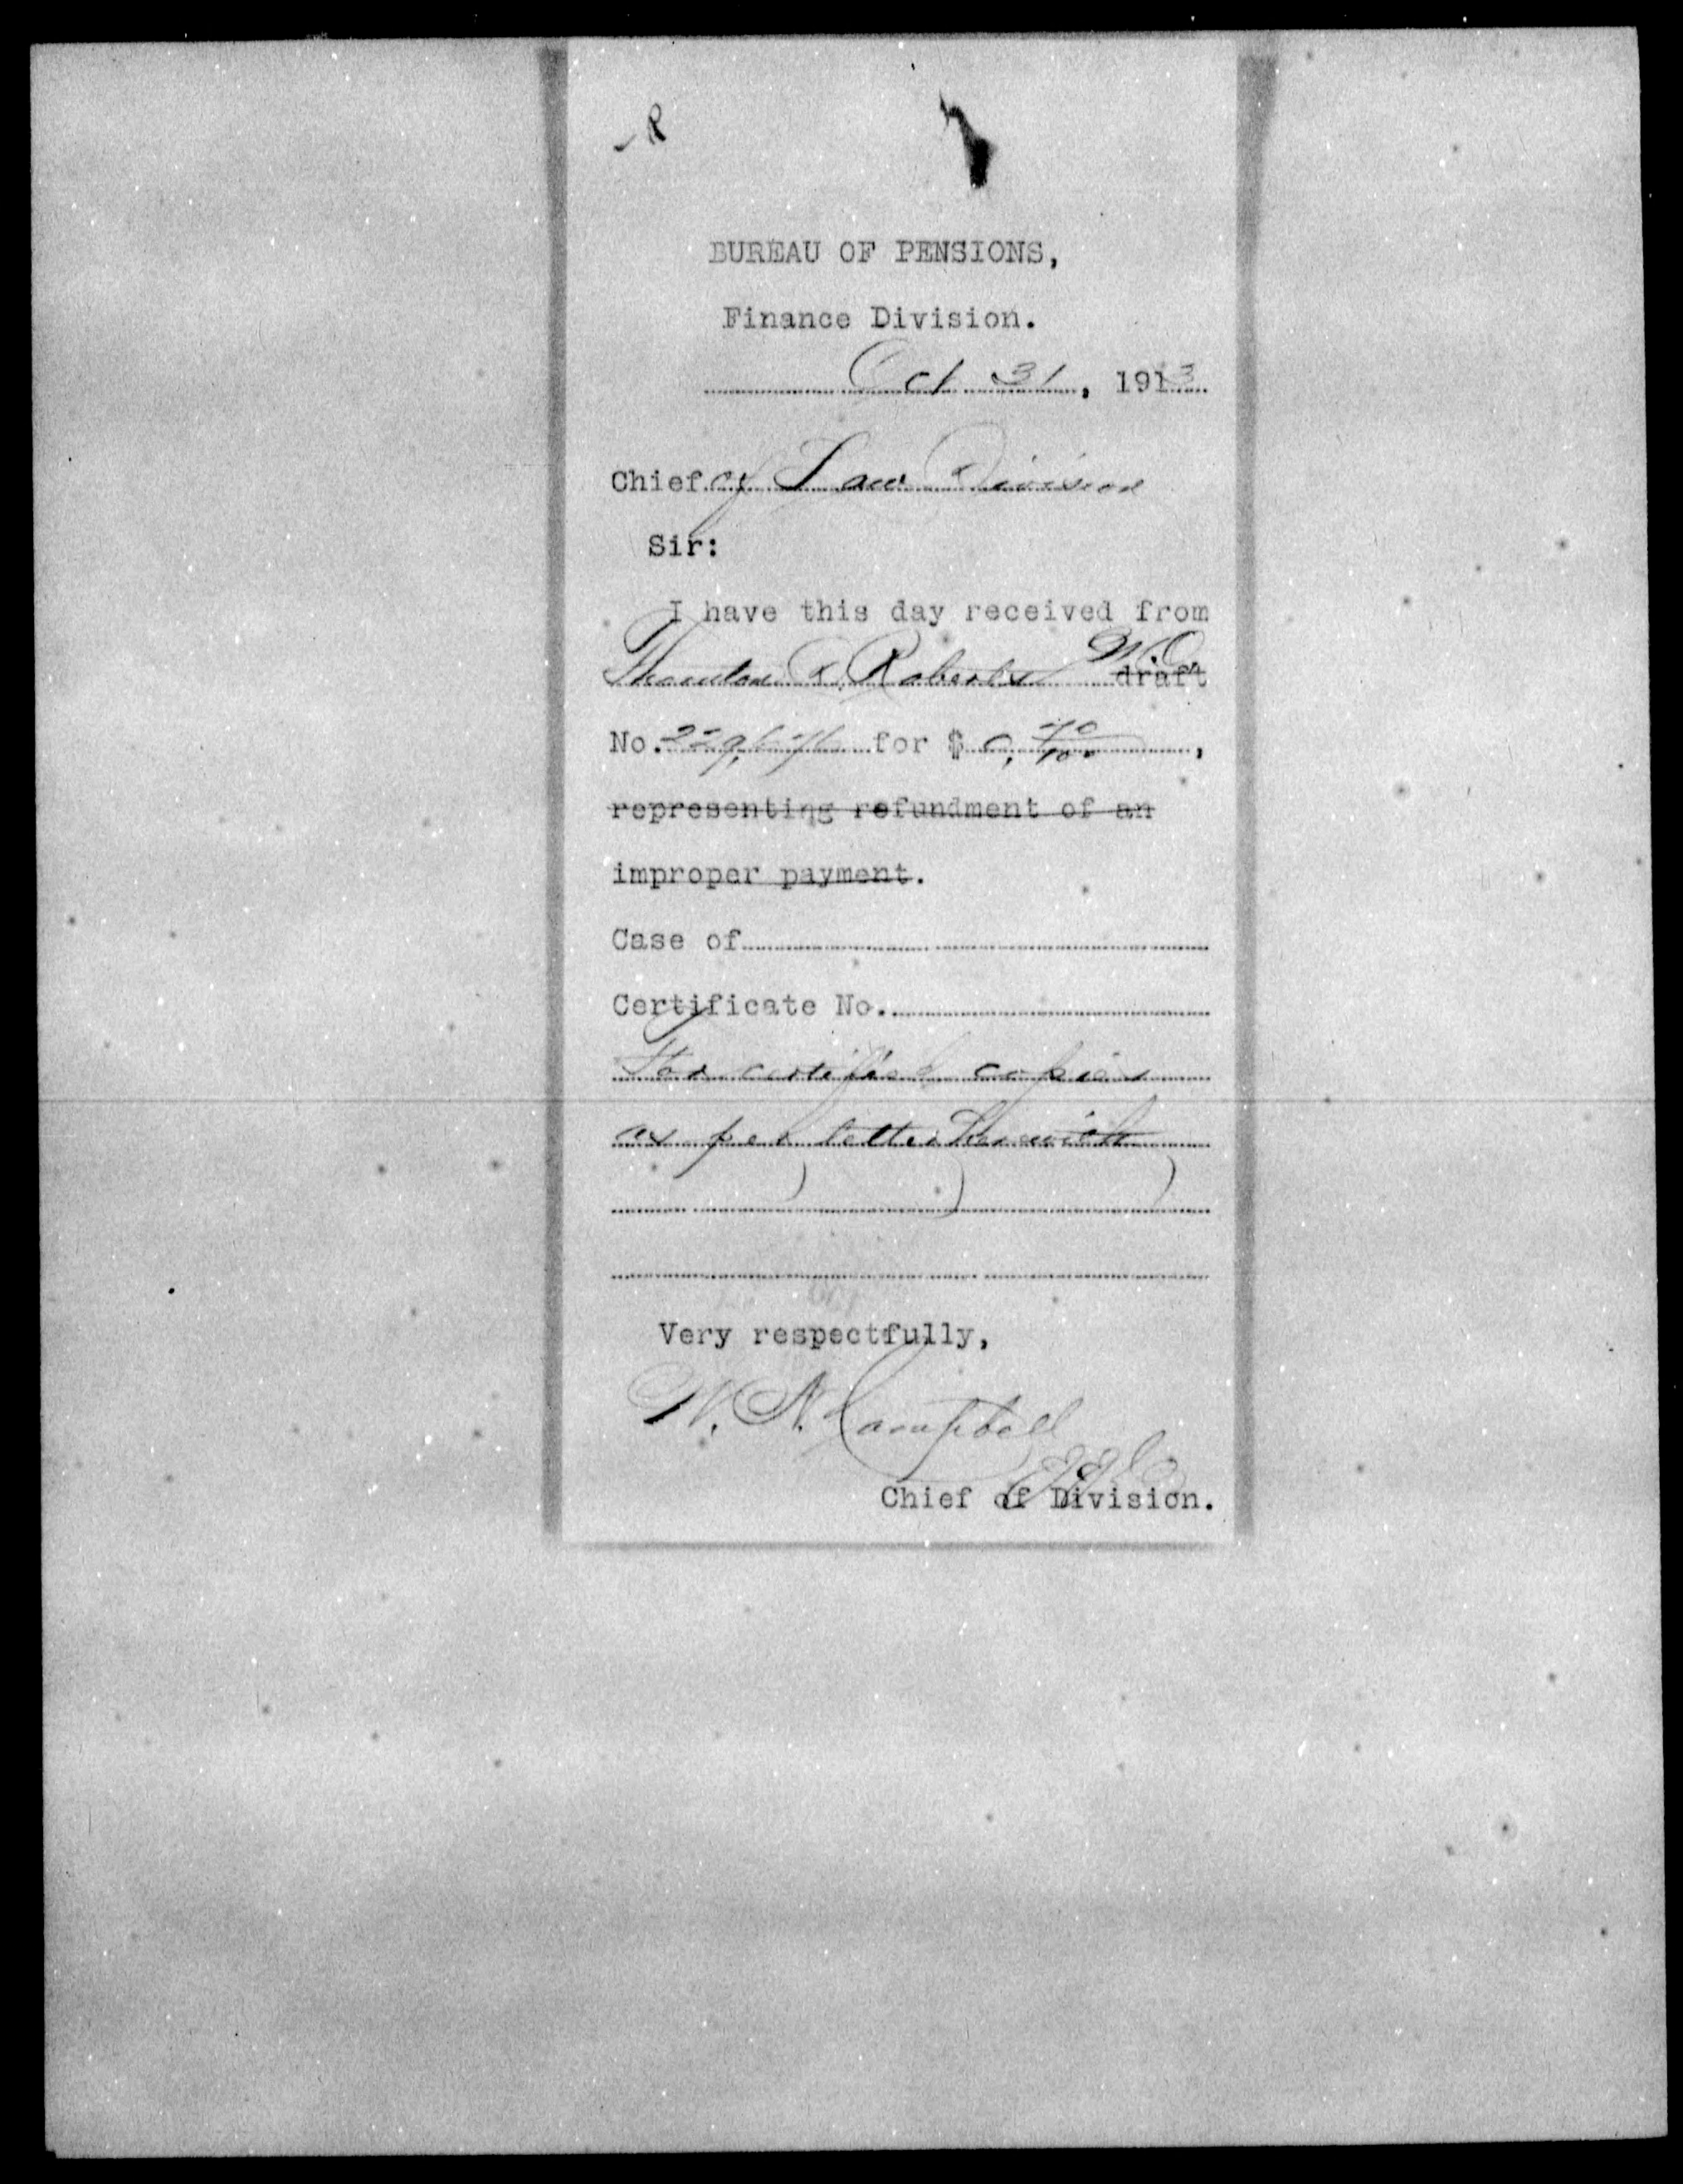R

BUREAU OF PENSIONS,
Finance Division.
Oct. 31, 1913

Chief of Law Division

Sir:

I have this day received from 
Thornton D.  Roberts M.O.
No. 229676 for $0.70/100
[beginning here marked through] representing refundment of an 
improper payment.

Case of [blank]
Certificate No. [blank]

For certified copies 
as per letter herewith

Very respectfully,
W. A. Campbell J J C
Chief of Division.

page: 35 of 59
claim: bounty land warrant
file: B.L.Wt. 2359-500, for Owen Roberts, South Carolina